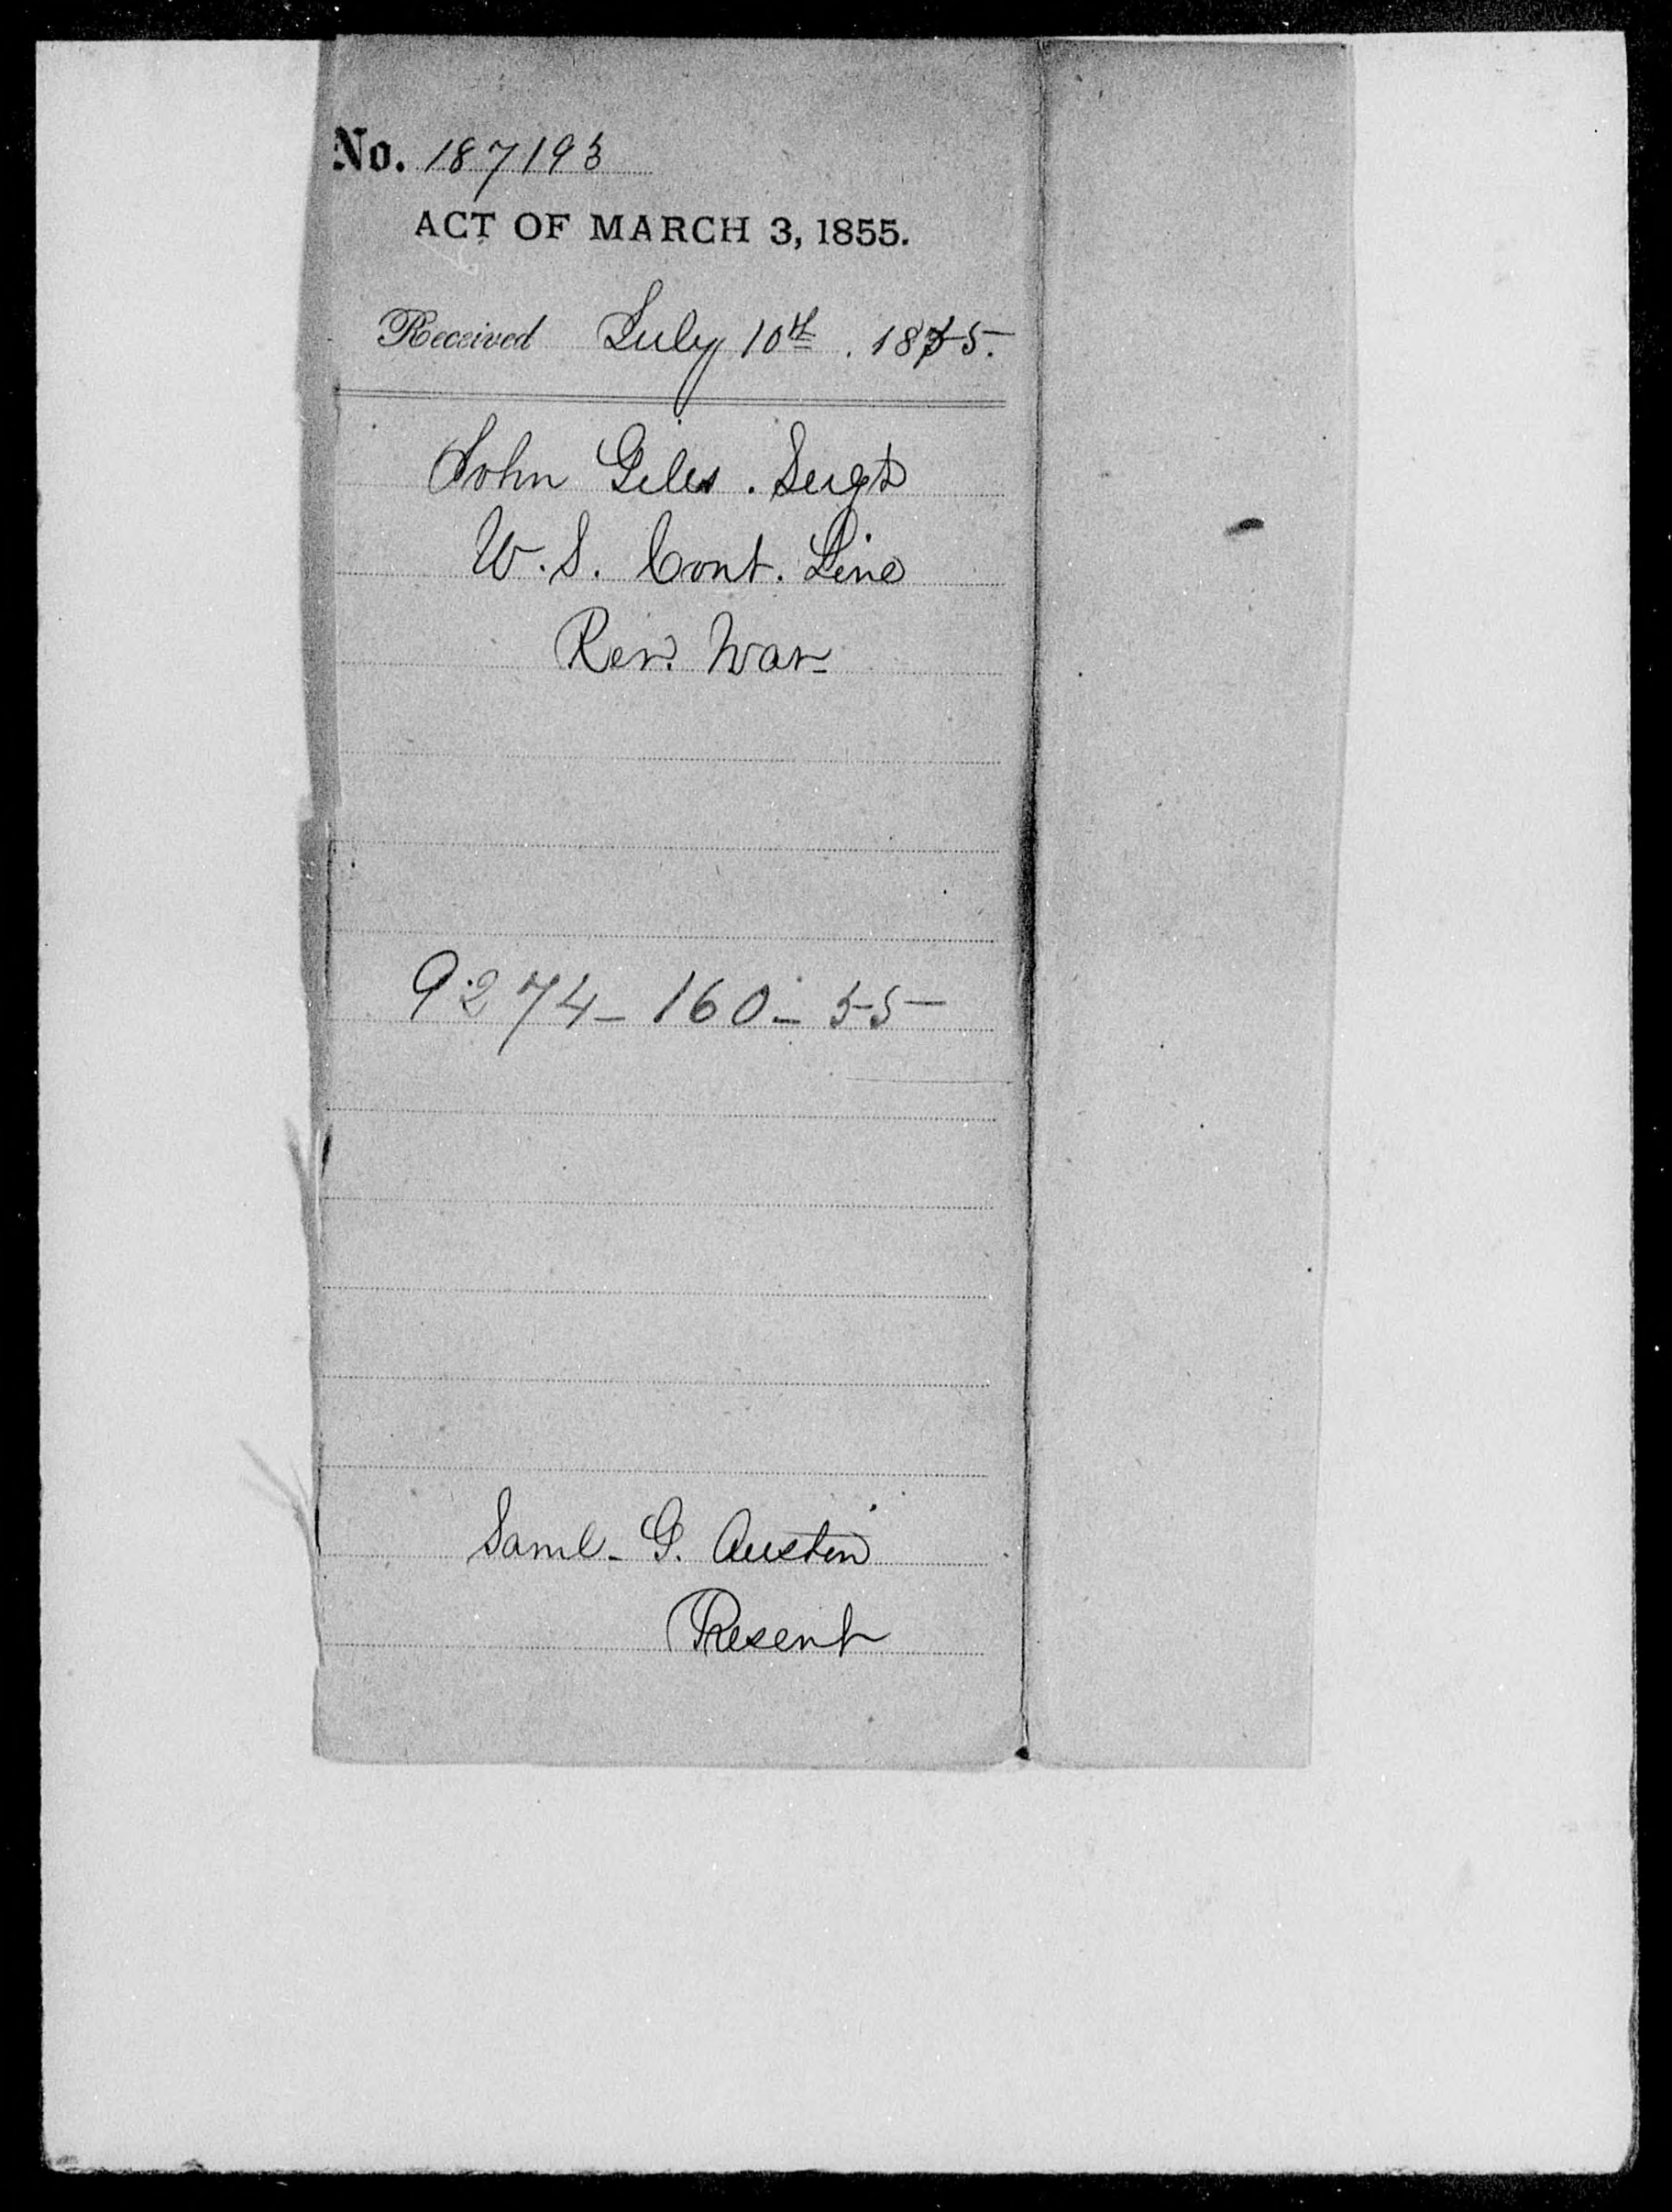No. 187193
Act of March 3, 1855.
Recieved July 10th 1855.
John Giles Sergt. 
W.S. Cont. Line
Rev. War

9244_160_55

Saml G. Austin
Present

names: Saml G Austin, John Giles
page: 44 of 82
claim: widow's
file: W. 7,522, John Giles, N.C.